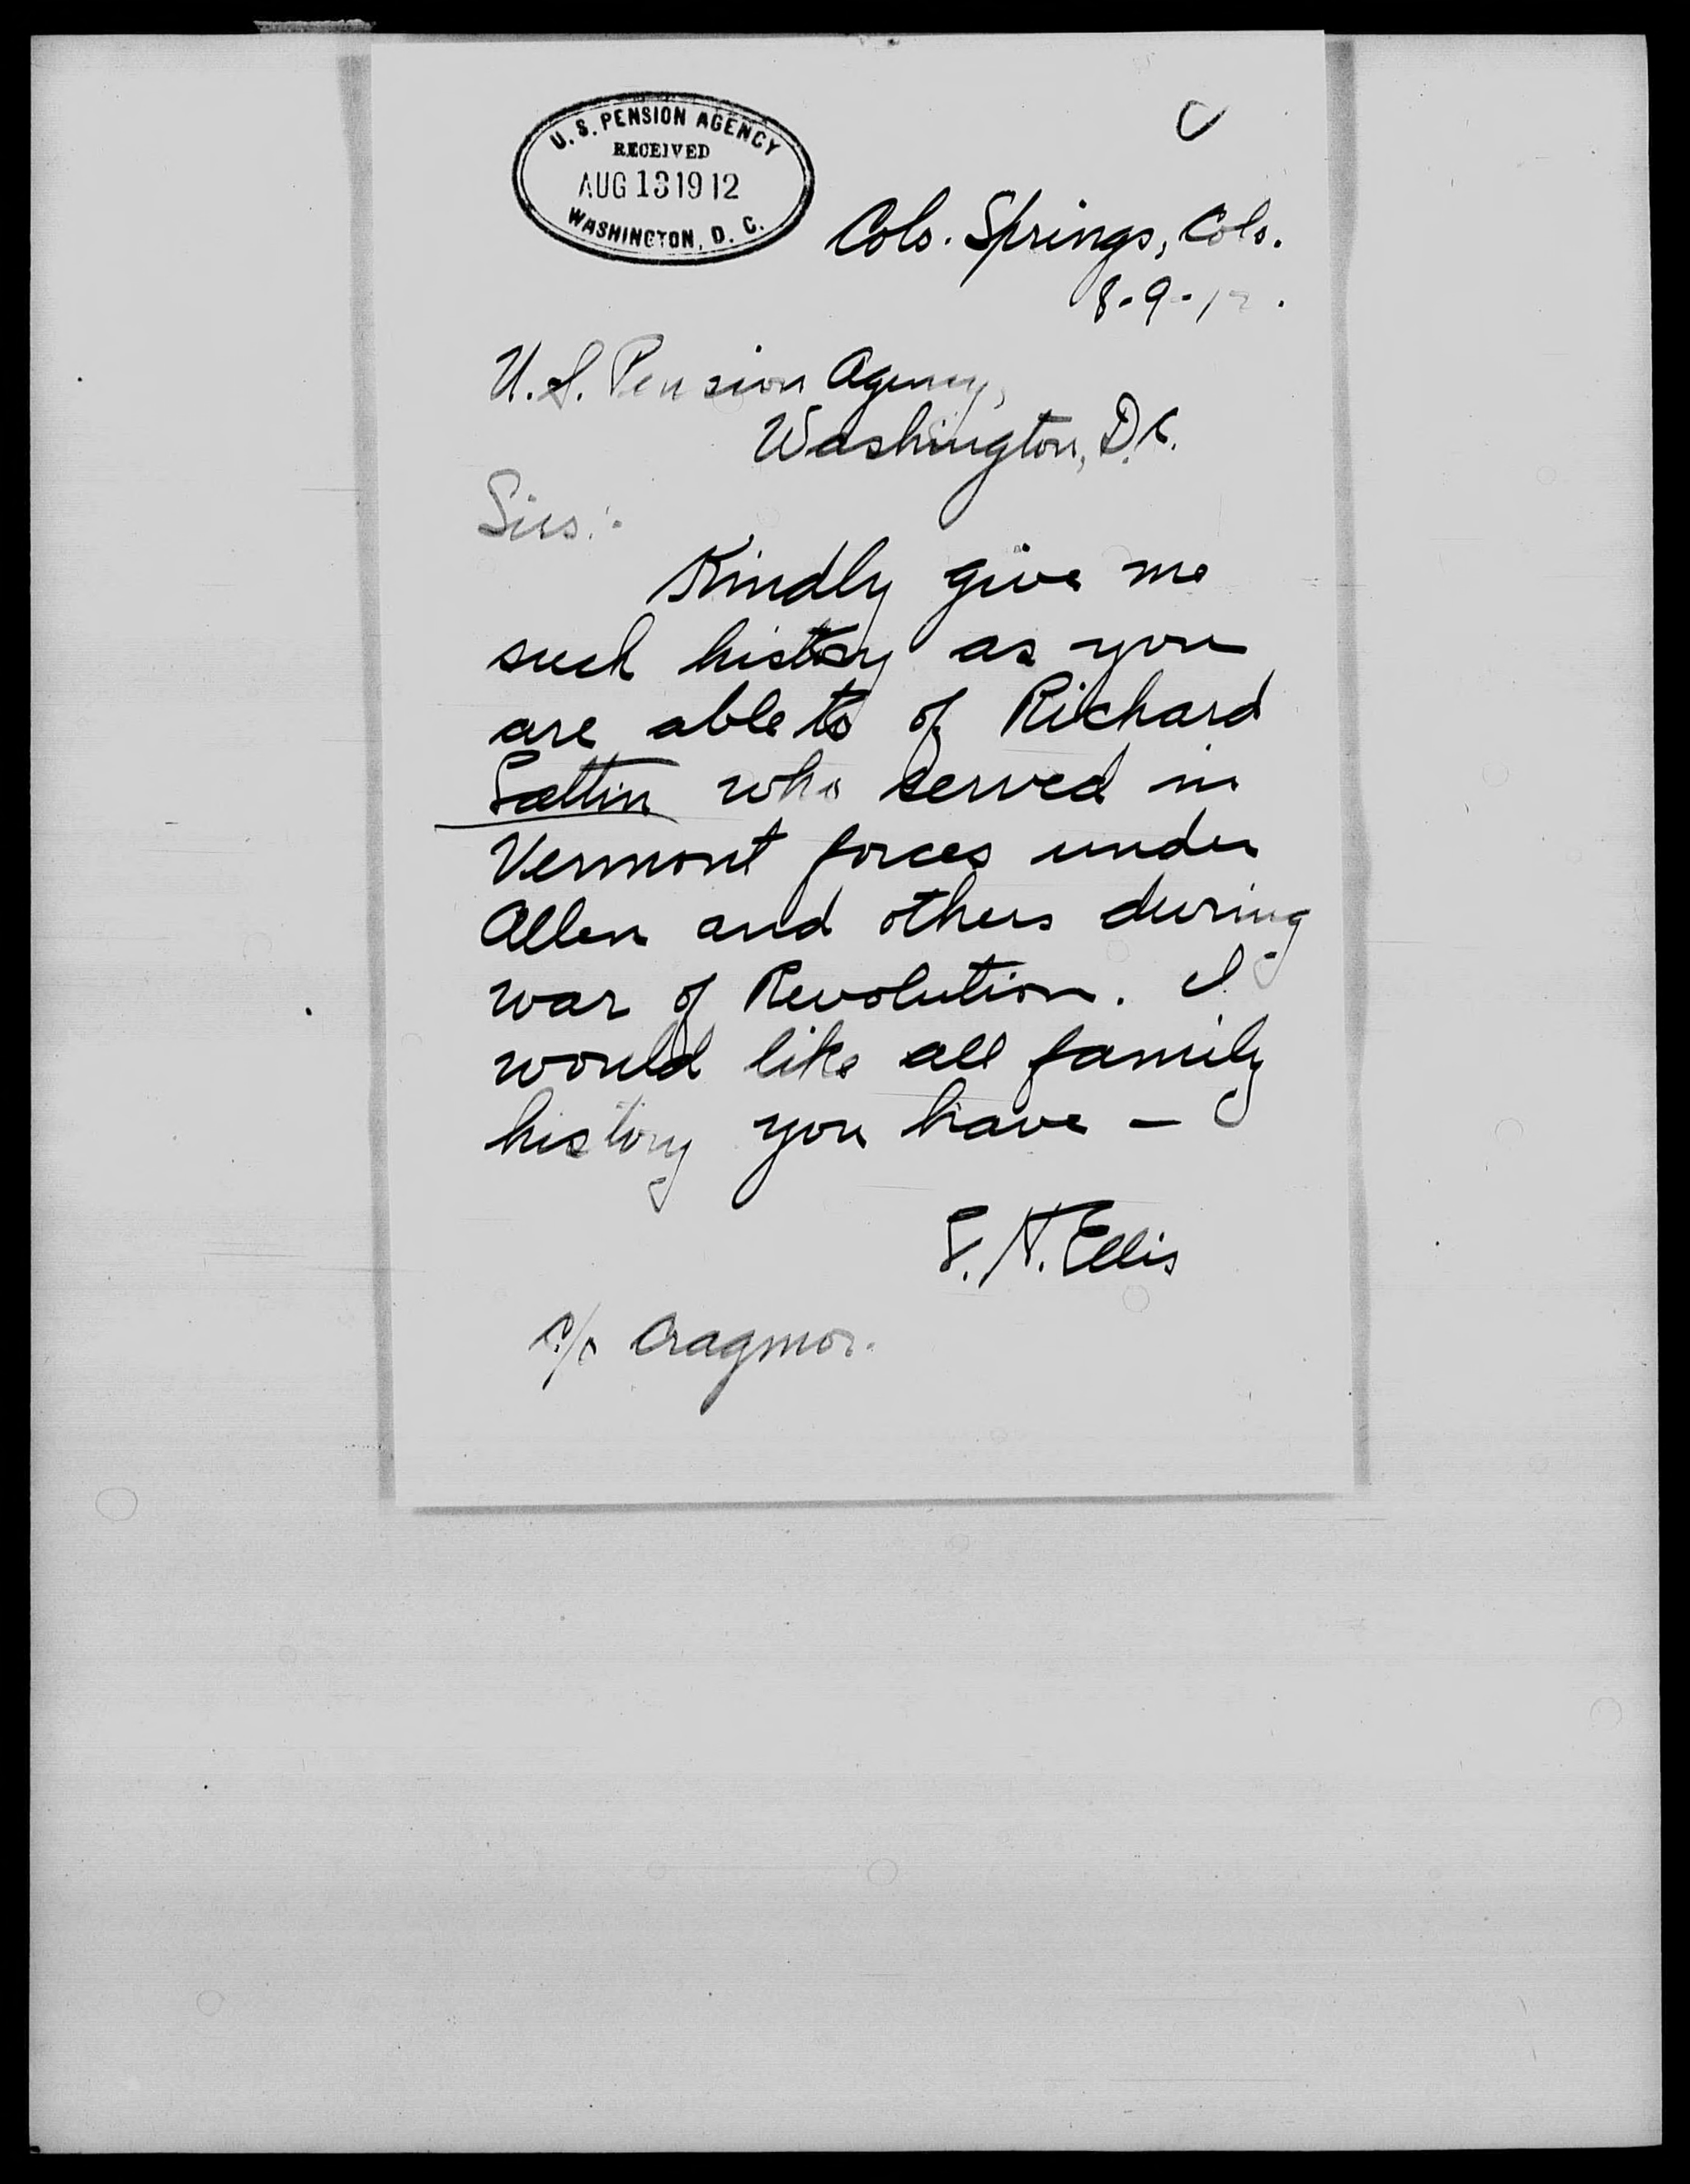[circle stamp]
U.S. PENSION AGENCY
WASHINGTON, D. C.
RECEIVED
AUG 13 1912

Colo. Springs, Col.
8-9-12

U.S. Pension Agency
Washington, D. C.

Sirs
Kindly give me
such history as you
are able to of Richard
Lattin who served in
Vermont forces under
Allen and others during
war of Revolution. I 
Would like all family
History you have-
S. H. Ellis

c/o Cragmor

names: [BLANK] Allen; L H Ellis; Richard Lattin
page: 58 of 99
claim: widow's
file: W. 24,482, for Richard Lattin, Vermont